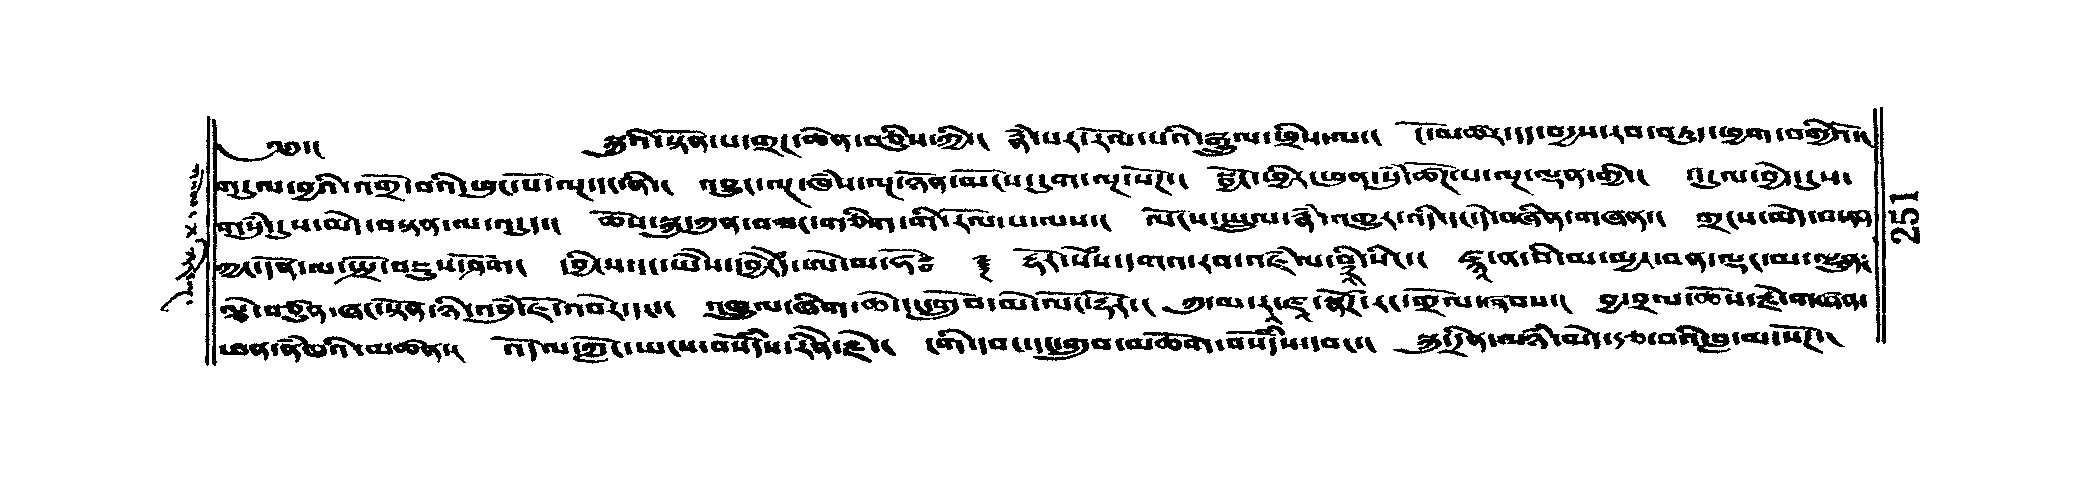སྐུའི་སྟོན་པ་གྲགས་ཆེན་བཅུ་གཉིས་ཀྱི། །རྣམ་པར་རོལ་པའི་སྒྱུ་འཕྲུལ་ཕྲིན་ལས་ལ། །ངོ་མཚར་དད་བརྒྱས་རབ་བཏུད་ཕྱག་བགྱིའོ། །
གདུལ་བྱའི་འགྲོ་བའི་ཕུང་པོ་ལྔ་དང་ནི། །འབྱུང་ལྔ་ཁམས་ལྔ་ཉོན་མོངས་དུག་ལྔ་སོགས། །སྦྱོང་ཕྱིར་ཕུན་སུམ་ཚོགས་པ་ལྔ་ལྡན་གྱི། །འདུལ་བྱེད་དུས་
གསུམ་དུས་མེད་བསྟན་ལ་འདུད། །ཆོས་སྐུ་ཀུན་བཟང་གཅིག་གི་རོལ་པ་ལས། །ལོངས་སྤྲུལ་རྣམ་འགྱུར་འདི་དང་དེ་བཞིན་གཞན། །གྲངས་མེད་བསྟན་
ཀྱང་དོན་ལ་སྤྲོ་བསྡུས་ཤོག །དབྱིངས་དང་ཡེ་ཤེས་དབྱེར་མེད་ཨེ་མ་ཧོཿ ༈ རྡོར་སེམས་དགའ་རབ་འཇམ་དཔལ་ཤྲཱི་སིང་། །ཛྙཱ་ན་བི་མ་མྱང་བན་ལྡང་མ་ལྷུན། །
ལྕེ་བཙུན་ཞང་སྟོན་ཉི་འབུམ་ཇོ་འབེར་དང་། །འཁྲུལ་ཞིག་ཆེ་དང་གྲུབ་ཐོབ་མེ་ལོང་རྡོར། །ཀུ་མ་རཱ་ཛཱ་སྣ་ཚོགས་རང་གྲོལ་ཞབས། །བྱ་བྲལ་ཆོས་རྗེ་གཞན་
ཕན་ནམ་མཁའ་མཚན། །འོད་གསལ་ཀློང་ཡངས་བསོད་ནམས་རིན་ཆེན་རྗེ། །ངག་གི་དབང་དང་གྲུབ་མཆོག་བསོད་ནམས་དབང་། །སྐུ་དྲིན་མཉམ་མེད་རྩ་བའི་བླ་མ་སོགས།